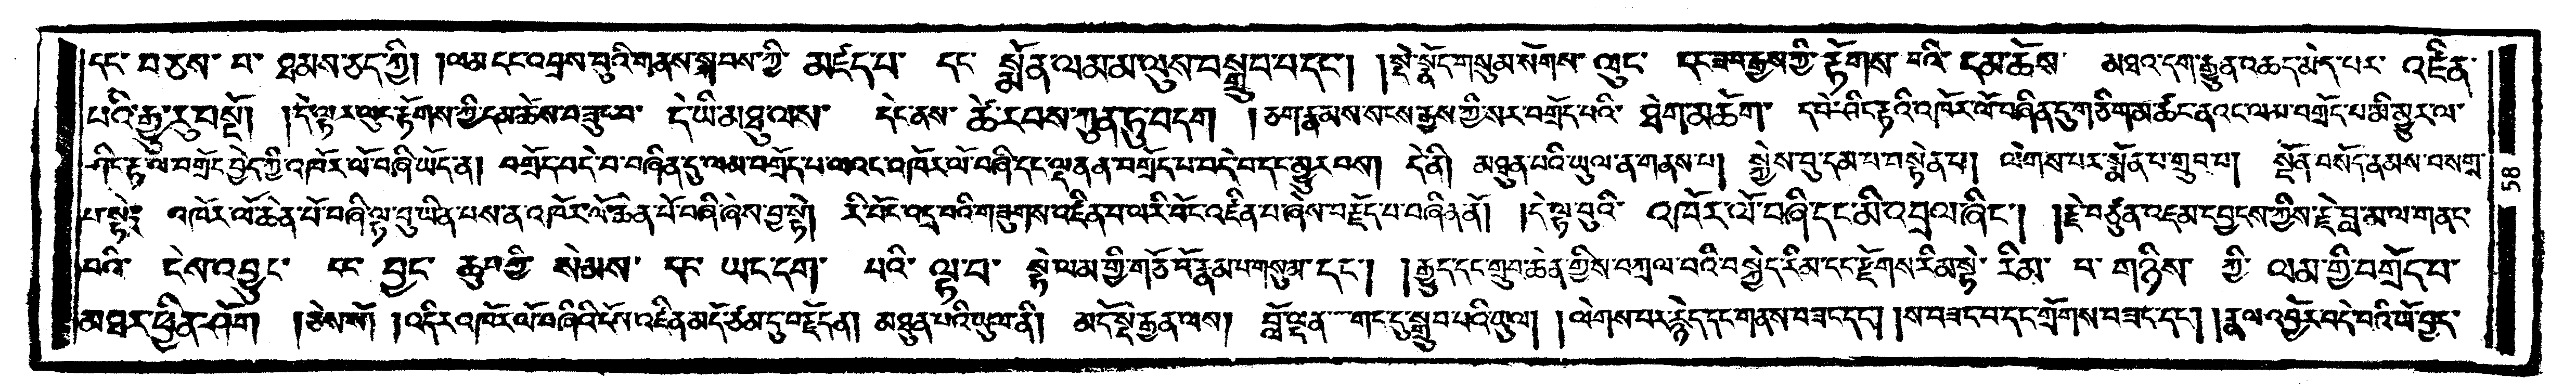དང་བཅས་པ་ཐམས་ཅད་ཀྱི། །ལམ་དང་འབྲས་བུའི་གནས་སྐབས་ཀྱི་མཛད་པ་དང་སྨོན་ལམ་མ་ལུས་བསྒྲུབ་པ་དང་། །སྡེ་སྣོད་གསུམ་སོགས་ལུང་དང་ཟབ་རྒྱས་ཀྱི་རྟོགས་བའི་དམ་ཆོས་མཐའ་དག་རྒྱུན་འཆད་མེད་པར་འཛིན་
པའི་རྒྱུ་རུ་བསྔོ། །དེ་ལྟར་ལུང་རྟོགས་ཀྱི་དམ་ཆོས་བཟུང་བ་དེ་ཡི་མཐུ་ལས་དེང་ནས་ཚེ་རབས་ཀུན་ཏུ་བདག །ཅག་རྣམས་སངས་རྒྱས་ཀྱི་སར་བགྲོད་པའི་ཐེག་མཆོག་དཔེ་ཤིང་རྟའི་འཁོར་ལོ་བཞིན་དུ་གཅིག་མཚང་ནའང་ལམ་བགྲོད་པ་མི་མྱུར་ལ་
ཤིང་རྟལ་བགྲོད་བྱེད་ཀྱི་འཁོར་ལོ་བཞི་ཡོད་ན། བགྲོད་བདེ་བ་བཞིན་དུ་ལམ་བགྲོད་པ་ལའང་འཁོར་ལོ་བཞི་དང་ལྡན་ན་བགྲོད་པ་བདེ་བ་དང་མྱུར་བས། དེ་ནི། མཐུན་པའི་ཡུལ་ན་གནས་པ། སྐྱེས་བུ་དམ་པ་བསྟེན་པ། ལེགས་པར་སྨོན་པ་གྲུབ་པ། སྔོན་བསོད་ནམས་བསགས་
པ་སྟེ༑ འཁོར་ལོ་ཆེན་པོ་བཞི་ལྟ་བུ་ཡིན་པས་ན་འཁོར་ལོ་ཆེན་པོ་བཞི་ཞེས་བྱ་སྟེ། རི་བོང་འདྲ་བའི་གཟུགས་འཛིན་པ་ལ་རི་བོང་འཛིན་པ་ཞེས་བརྗོད་པ་བཞིན་ནོ། །དེ་ལྟ་བུའི་འཁོར་ལོ་བཞི་དང་མི་འབྲལ་ཞིང་། །རྗེ་བཙུན་འཇམ་དབྱངས་ཀྱིས་རྗེ་བླ་མ་ལ་གནང་
བའི་ངེས་འབྱུང་དང་བྱང་ཆུབ་ཀྱི་སེམས་དང་ཡང་དག་པའི་ལྟ་བ་སྟེ་ལམ་གྱི་གཙོ་བོ་རྣམ་པ་གསུམ་དང་། །རྒྱུད་དང་གྲུབ་ཆེན་གྱིས་བཀྲལ་བའི་བསྐྱེད་རིམ་དང་རྫོགས་རིམ་སྟེ་རིམ་པ་གཉིས་ཀྱི་ལམ་གྱི་བགྲོང་པ་
མཐར་ཕྱིན་ཤོག །ཅེས་སོ། །འདིར་འཁོར་ལོ་བཞིའི་ངོས་འཛིན་མདོ་ཙམ་དུ་བརྗོད་ན། མཐུན་པའི་ཡུལ་ནི། མདོ་སྡེ་རྒྱན་ལས། བློ་ལྡན་གང་དུ་སྒྲུབ་པའི་ཡུལ། །ལེགས་པར་རྙེད་དང་གནས་བཟང་དང་། །ས་བཟང་བ་དང་གྲོགས་བཟང་དང་། །རྣལ་འབྱོར་བདེ་བའི་ཡོ་བྱད་